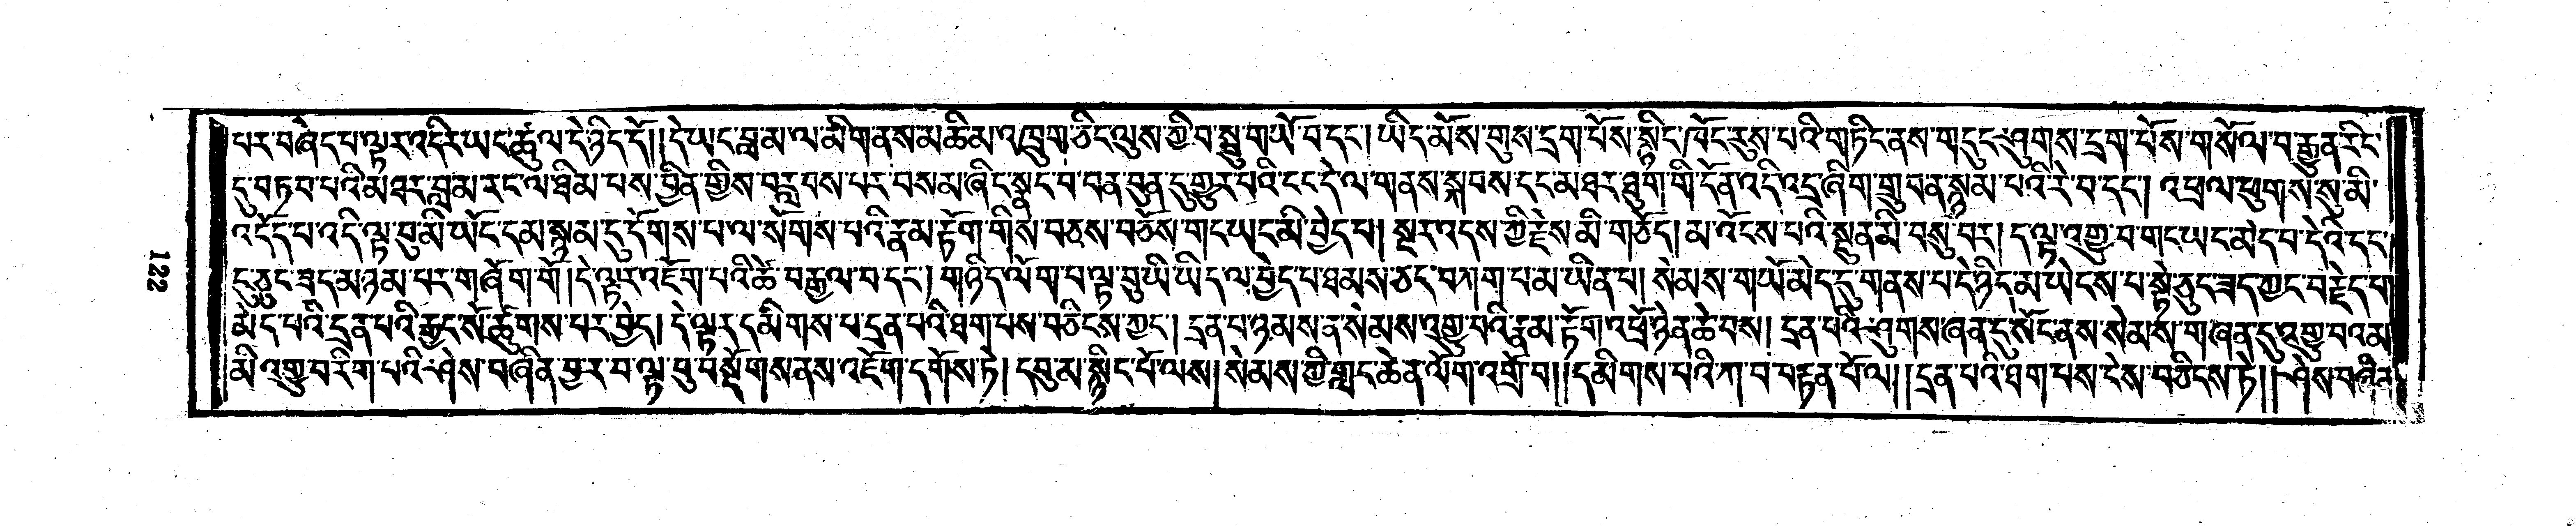པར་བཞེད་པ་ལྟར་འདིར་ཡང་ཚུལ་དེ་ཉིད་དོ། །དེ་ཡང་བླ་མ་ལ་མིག་ནས་མཆི་མ་འཁྲུག་ཅིང་ལུས་ཀྱི་བ་སྦུ་གཡོ་བ་དང་། ཡིད་མོས་གུས་དྲག་པོས་སྙིང་ཁོང་རུས་པའི་གཏིང་ནས་གདུང་ཤུགས་དྲག་པོས་གསོལ་བ་རྒྱུན་རིང་
དུ་བཏབ་པའི་མཐར་བླ་མ་རང་ལ་ཐིམ་པས་བྱིན་གྱིས་བརླབས་པར་བསམ་ཞིང་སྣང་བ་བན་བུན་དུ་གྱུར་པའི་ངང་དེ་ལ་གནས་སྐབས་དང་མཐར་ཐུག་གི་དོན་འདི་འདྲ་ཞིག་གྲུབ་ན་སྙམ་པའི་རེ་བ་དང་། འཕྲལ་ཕུགས་སུ་མི་
འདོད་པ་འདི་ལྟ་བུ་མི་ཡོང་ངམ་སྙམ་དུ་དོགས་པ་ལ་སོགས་པའི་རྣམ་རྟོག་གིས་བཅས་བཅོས་གང་ཡང་མི་བྱེད་པ། སྔར་འདས་ཀྱི་རྗེས་མི་གཅོད། མ་འོངས་པའི་སྡུན་མི་བསུ་བར། ད་ལྟ་འགྱུ་བ་གང་ཡང་མེད་པ་དེའི་ངང་
དུ་ཅུང་ཟད་མཉམ་པར་གཞོག་གོ །དེ་ལྟར་འཇོག་པའི་ཚེ་བརྒྱལ་བ་དང་། གཉིད་ལོག་པ་ལྟ་བུ་ཡི་ཡིད་ལ་བྱེད་པ་ཐམས་ཅད་བཀག་པ་མ་ཡིན་པ། སེམས་གཡོ་མེད་དུ་གནས་པ་དེ་ཉིད་མ་ཡེངས་པ་སྟེ་ཅུང་ཟད་ཀྱང་བརྗེད་པ་
མེད་པའི་དྲན་པའི་རྒྱང་སོ་ཚུགས་པར་བྱེད། དེ་ལྟར་དམིགས་པ་དྲན་པའི་ཐག་པས་བཅིངས་ཀྱང་། དྲན་པ་ཉམས་ན་སེམས་འགྱུ་བའི་རྣམ་རྟོག་འཕྲོ་ཉེན་ཆེ་བས། དྲན་པའི་ཤུགས་ཞན་དུ་སོང་ནས་སེམས་གཞན་དུ་འགྱུ་བའམ་
མི་འགྱུ་བ་རིག་པའི་ཤེས་བཞིན་བྱ་ར་བ་ལྟ་བུ་བསྡོགས་ནས་འཇོག་དགོས་ཏེ། དབུ་མ་སྙིང་པོ་ལས། སེམས་ཀྱི་གླང་ཆེན་ལོག་འགྲོ་བ། །དམིགས་པའི་ཀ་བ་བརྟན་པོ་ལ། །དྲན་པའི་ཐག་པས་ངེས་བཅིངས་ཏེ། །ཤེས་བཞིན་